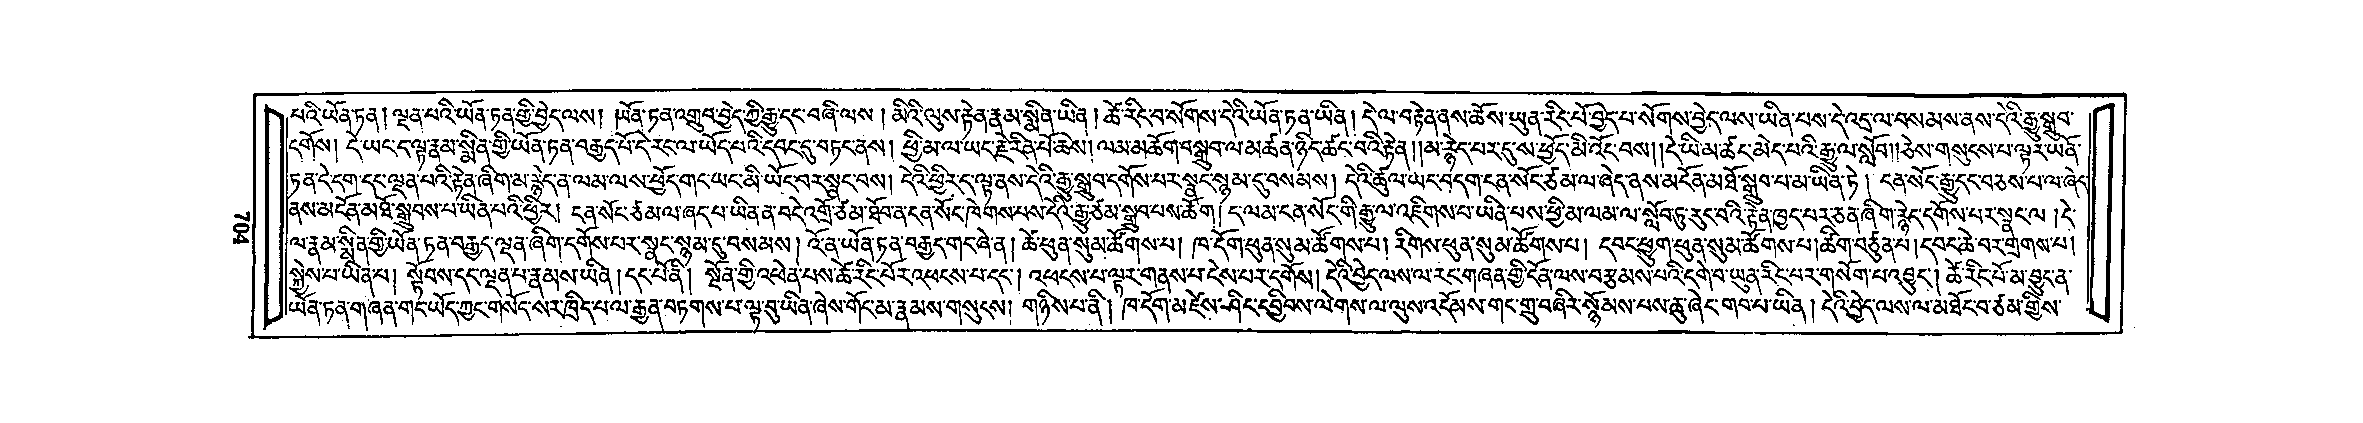པའི་ཡོན་ཏན། ལྡན་པའི་ཡོན་ཏན་གྱི་བྱེད་ལས། །ཡོན་ཏན་འགྲུབ་བྱེད་ཀྱི་རྒྱུ་དང་བཞི་ལས། མིའི་ལུས་རྟེན་རྣམ་སྨིན་ཡིན། ཚེ་རིང་བ་སོགས་དེའི་ཡོན་ཏན་ཡིན། དེ་ལ་བརྟེན་ནས་ཆོས་ཡུན་རིང་པོ་བྱེད་པ་སོགས་བྱེད་ལས་ཡིན་པས་དེ་འདྲ་ལ་བསམས་ནས་དེའི་རྒྱུ་སྒྲུབ་
དགོས། དེ་ཡང་ད་ལྟ་རྣམ་སྨིན་གྱི་ཡོན་ཏན་བརྒྱད་པོ་དེ་རང་ལ་ཡོད་པའི་དབང་དུ་བཏང་ནས། ཕྱི་མ་ལ་ཡང་རྗེ་རིན་པོ་ཆེས། ལམ་མཆོག་བསྒྲུབ་ལ་མཚན་ཉིད་ཚང་བའི་རྟེན། །མ་རྙེད་པར་དུ་ས་ཕྱོད་མི་འོང་བས། །དེ་ཡི་མ་ཚང་མེད་པའི་རྒྱུ་ལ་སློབ། །ཅེས་གསུངས་པ་ལྟར་ཡོན་
ཏན་དེ་དག་དང་ལྡན་པའི་རྟེན་ཞིག་མ་རྙེད་ན་ལམ་ལས་ཕྱོད་གང་ཡང་མི་ཡོང་བར་སྣང་བས། དེའི་ཕྱིར་ད་ལྟ་ནས་དེའི་རྒྱུ་སྒྲུབ་དགོས་པར་སྣང་སྙམ་དུ་བསམས། དེའི་ཚུལ་ཡང་བདག་ངན་སོང་ཙམ་ལ་ཞེད་ནས་མངོན་མཐོ་སྒྲུབ་པ་མ་ཡིན་ཏེ། ངན་སོང་རྒྱུ་དང་བཅས་པ་ལ་ཞེད་
ནས་མངོན་མཐོ་སྒྲུབས་པ་ཡིན་པའི་ཕྱིར། ངན་སོང་ཙམ་ལ་ཞད་པ་ཡིན་ན་བདེ་འགྲོ་ཙམ་ཐོབ་ན་ངན་སོང་ཁེགས་པས་དེའི་རྒྱུ་ཙམ་སྒྲུབ་པས་ཆོག །ད་ལམ་ངན་སོང་གི་རྒྱུ་ལ་འཇིགས་པ་ཡིན་པས་ཕྱི་མ་ལམ་ལ་སློབ་ཏུ་རུང་བའི་རྟེན་ཁྱད་པར་ཅན་ཞིག་རྙེད་དགོས་པར་སྣང་ལ། དེ་
ལ་རྣམ་སྨིན་གྱི་ཡོན་ཏན་བརྒྱད་ལྡན་ཞིག་དགོས་པར་སྣང་སྙམ་དུ་བསམས། འོ་ན་ཡོན་ཏན་བརྒྱད་གང་ཞེ་ན། ཚེ་ཕུན་སུམ་ཚོགས་པ། ཁ་དོག་ཕུན་སུམ་ཚོགས་པ། རིགས་ཕུན་སུམ་ཚོགས་པ། དབང་ཕྱུག་ཕུན་སུམ་ཚོགས་པ། ཚིག་བཙུན་པ། དབང་ཆེ་བར་གྲགས་པ།
སྐྱེས་པ་ཡིན་པ། སྟོབས་དང་ལྡན་པ་རྣམས་ཡིན། དང་པོ་ནི། སྔོན་གྱི་འཕེན་པས་ཚེ་རིང་པོར་འཕངས་པ་དང་། འཕངས་པ་ལྟར་གནས་པ་ངེས་པར་དགོས། དེའི་བྱེད་ལས་ལ་རང་གཞན་གྱི་དོན་ལས་བརྩམས་པའི་དགེ་བ་ཡུན་རིང་པར་གསོག་པ་འབྱུང་། ཚེ་རིང་པོ་མ་བྱུང་ན་
ཡོན་ཏན་གཞན་གང་ཡོད་ཀྱང་གསོད་སར་ཁྲིད་པ་ལ་རྒྱན་བཏགས་པ་ལྟ་བུ་ཡིན་ཞེས་གོང་མ་རྣམས་གསུངས། གཉིས་པ་ནི། ཁ་དོག་མཛེས་ཤིང་དབྱིབས་ལེགས་ལ་ལུས་འདོམས་གང་གྲུབ་བཞིར་སྙོམས་པས་ཆུ་ཞེང་གབ་པ་ཡིན། དེའི་བྱེད་ལས་ལ་མཐོང་བ་ཙམ་གྱིས་